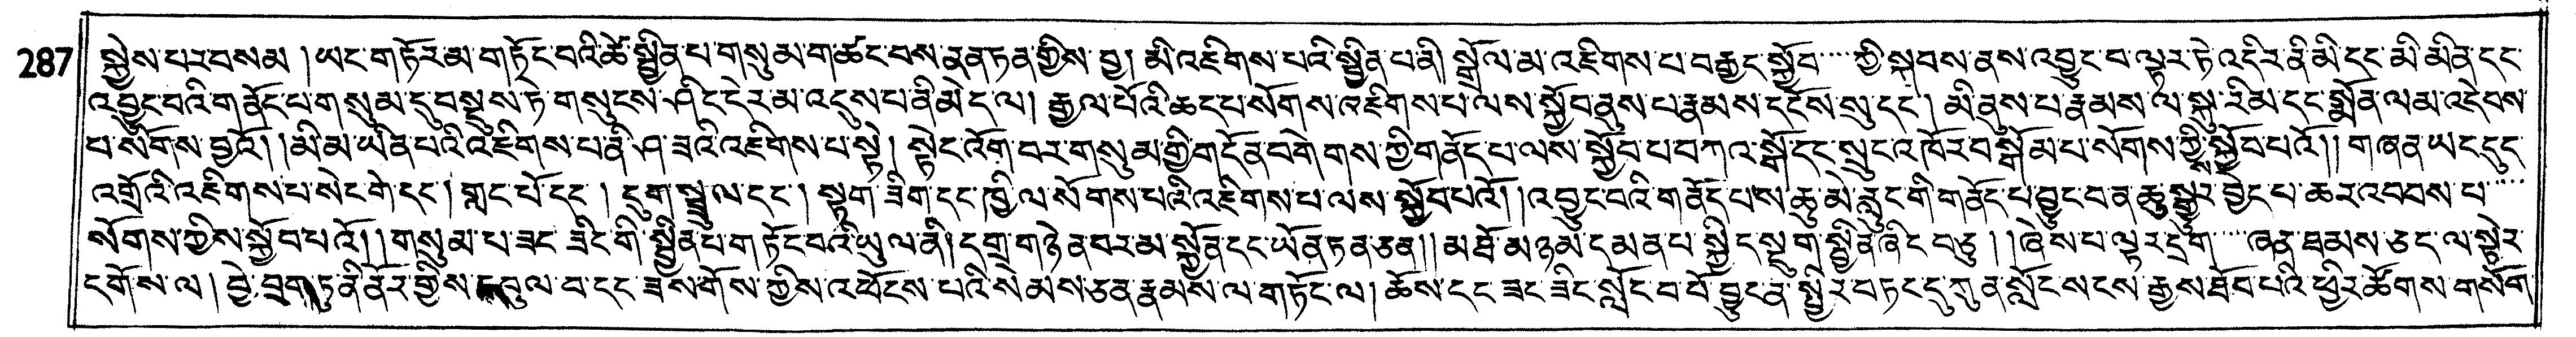སྐྱེས་པར་བསམ། ཡང་གཏོར་མ་གཏོང་བའི་ཚེ་སྦྱིན་པ་གསུམ་ག་ཚང་བས་ནན་ཏན་གྱིས་བྱ། མི་འཇིགས་པའི་སྦྱིན་པ་ནི། སྒྲོལ་མ་འཇིགས་པ་བརྒྱད་སྐྱོབ་ཀྱི་སྐབས་ནས་འབྱུང་བ་ལྟར་ཏེ་འདིར་ནི་མི་དང་མི་མིན་དང་
འབྱུང་བའི་གནོད་པ་གསུམ་དུ་བསྡུས་ཏེ་གསུངས་ཤིང་དེར་མ་འདུས་པ་ནི་མེད་ལ། རྒྱལ་པོའི་ཆད་པ་སོགས་འཇིགས་པ་ལས་སྐྱོབ་ནུས་པ་རྣམས་དངོས་སུ་དང་། མི་ནུས་པ་རྣམས་ལ་སྐུ་རིམ་དང་སྨོན་ལམ་འདེབས་
བ་སོགས་བྱའོ། །མི་མ་ཡིན་པའི་འཇིགས་པ་ནི་ཤ་ཟའི་འཇིགས་པ་སྟེ། སྟེང་འོག་བར་གསུམ་གྱི་གདོན་བགེགས་ཀྱི་གནོད་པ་ལས་སྐྱོབ་པ་བཀའ་སྒོ་དང་སྲུང་འཁོར་བསྒོམ་པ་སོགས་ཀྱིས་སྐྱོབ་པའོ། །གཞན་ཡང་དུད་
འགྲོའི་འཇིགས་པ་སེང་གེ་དང་། གླང་པོ་དང་། དུག་སྦྲུལ་དང་། སྟག་ཟིག་དང་ཁྱི་ལ་སོགས་པའི་འཇིགས་པ་ལས་སྐྱོབ་པའོ། །འབྱུང་བའི་གནོད་པ་ས་ཆུ་མེ་རླུང་གི་གནོད་པ་བྱུང་བ་ན་ཆུ་སྒྱུར་བྱེད་པ་ཆར་འབབས་པ་
སོགས་ཀྱིས་སྐྱོབ་པའོ། །གསུམ་པ་ཟང་ཟིང་གི་སྦྱིན་པ་གཏོང་བའི་ཡུལ་ནི། དགྲ་གཉེན་བར་མ་སྐྱོན་དང་ཡོན་ཏན་ཅན། །མཐོ་མཉམ་དམན་པ་སྐྱིད་སྡུག་སྦྱིན་ཞིང་བཅུ། །ཞེས་པ་ལྟར་དྲག་ཞན་ཐམས་ཅད་ལ་སྟེར་
དགོས་ལ། བྱེ་བྲག་ཏུ་ནི་ནོར་གྱིས་དབུལ་བ་དང་ཟས་གོས་ཀྱིས་འཕོངས་པའི་སེམས་ཅན་རྣམས་ལ་གཏོང་ལ། ཆོས་དང་ཟང་ཟིང་སློང་བ་བོ་བྱུང་ན་སྤྱིར་བཏང་དུ་ཀུན་སློང་སངས་རྒྱས་ཐོབ་པའི་ཕྱིར་ཚོགས་གསོག་